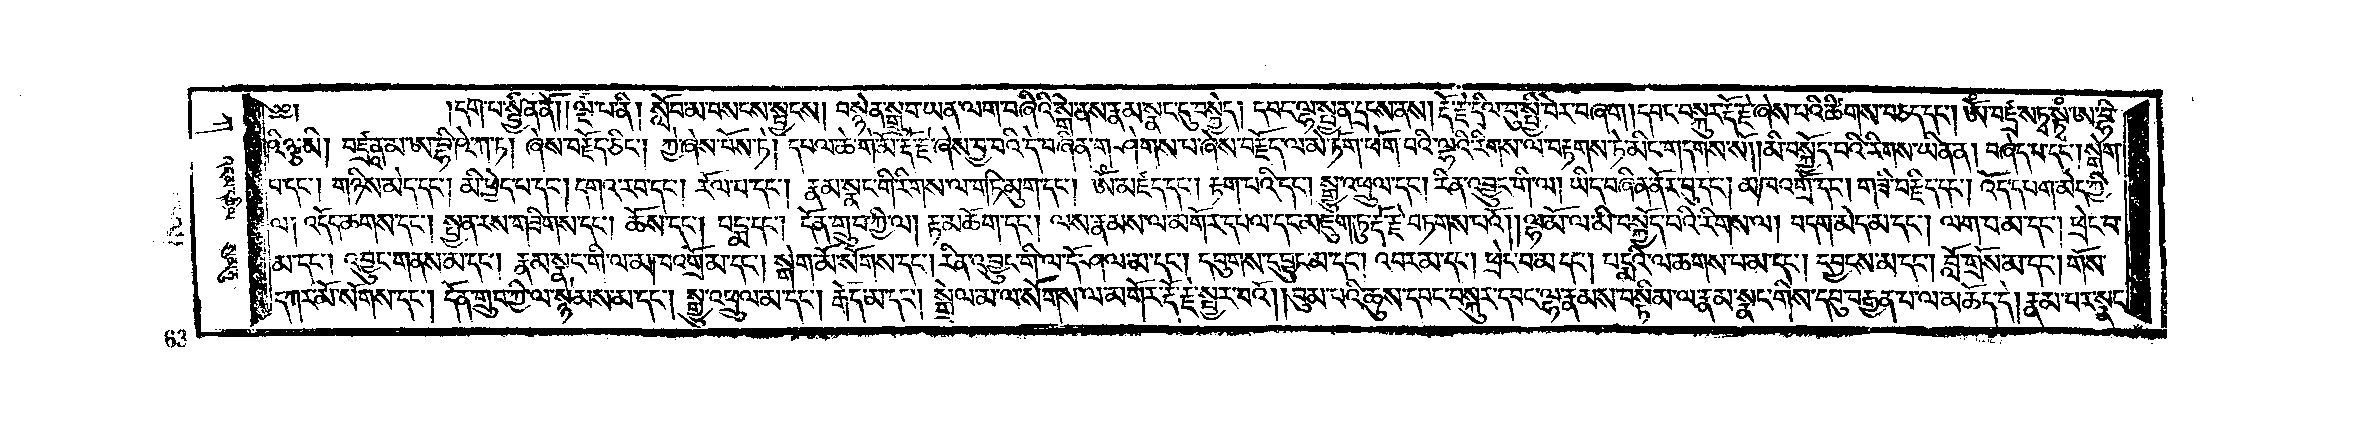༄༅། །དག་པ་སྦྱིན་ནོ། །ལྔ་པ་ནི། སློབ་མ་བསངས་སྦྱངས། བསྙེན་སྒྲུབ་ཡན་ལག་བཞིའི་སྒོ་ནས་རྣམ་སྣང་དུ་བསྐྱེད། དབང་ལྷ་སྤྱན་དྲངས་ནས། རྡོ་རྗེ་དྲིལ་བུ་སྤྱི་བེར་བཞག །དབང་བསྐུར་རྡོ་རྗེ་ཞེས་པའི་ཚིགས་བཅད་དང་། ཨོཾ་བྫྲ་སཏྭ་སྟྭཾ་ཨ་བྷི་
ཥི་ཉྩ་མི། བྫྲ་ནཱ་མ་ཨ་བྷི་ཥེ་ཀ་ཏ། ཞེས་བརྗོད་ཅིང་། ཀྱེ་ཞེས་བོས་ཏེ། དཔལ་ཆེ་གེ་མོ་རྡོ་རྗེ་ཞེས་བྱ་བའི་དེ་བཞིན་གཤེགས་པ་ཞེས་བརྗོད་ལ་མེ་ཏོག་ཕོག་པའི་ལྷའི་རིགས་ལ་བརྟགས་ཏེ་མིང་གདགས་སོ། །མི་བསྐྱོད་པའི་རིགས་ཡིན་ན། བཞེད་པ་དང་། སྒེག་
པ་དང་། གཉིས་མེད་དང་། མི་ཕྱེད་པ་དང་། དགའ་རབ་དང་། རོལ་པ་དང་། རྣམ་སྣང་གི་རིགས་ལ་གཏི་མུག་དང་། ཨོཾ་མཛད་དང་། རྟག་པའི་དང་། སྒྱུ་འཕྲུལ་དང་། རིན་འབྱུང་གི་ལ། ཡིད་བཞིན་ནོར་བུ་དང་། མཁའ་འགྲོ་དང་། གཟི་བརྗིད་དང་། འོད་དཔག་མེད་ཀྱི་
ལ༑ འདོད་ཆགས་དང་། སྤྱན་རས་གཟིགས་དང་། ཆོས་དང་། པདམ་དང་། དོན་གྲུབ་ཀྱི་ལ། རྟ་མཆོག་དང་། ལས་རྣམས་ལ་མགོར་དཔལ་དང་མཇུག་ཏུ་རྡོ་རྗེ་བཏགས་པའོ། །ལྷ་མོ་ལ་མི་བསྐྱོད་པའི་རིགས་ལ། བདག་མེད་མ་དང་། ལག་པ་མ་དང་། ཕྲེང་བ་
མ་དང་། འབྱུང་གནས་མ་དང་། རྣམ་སྣང་གི་ལ་མཁའ་འགྲོ་མ་དང་། སྒེག་མོ་སོགས་དང་། རིན་འབྱུང་གི་ལ་དོ་ཤལ་མ་དང་། དབུགས་དབྱུང་མ་དང་། འབར་མ་དང་། ཕྲེང་བ་མ་དང་། པདམའི་ལ་ཆགས་པ་མ་དང་། དབྱངས་མ་དང་། བློ་གྲོས་མ་དང་། གོས་
དཀར་མོ་སོགས་དང་། དོན་གྲུབ་ཀྱི་ལ་སྙེམས་མ་དང་། སྒྱུ་འཕྲུལ་མ་དང་། རྒོད་མ་དང་། སྒྲེལ་མ་ལ་སོགས་ལ་མགོར་རྡོ་རྗེ་སྦྱར་བའོ། །བུམ་པའི་ཆོས་དབང་བསྐུར་དབང་ལྷ་རྣམས་བསྟིམ་ལ་རྣམ་སྣང་གིས་དབུ་བརྒྱན་པ་ལ་མཆོད་དེ། རྣམ་པར་སྣང་